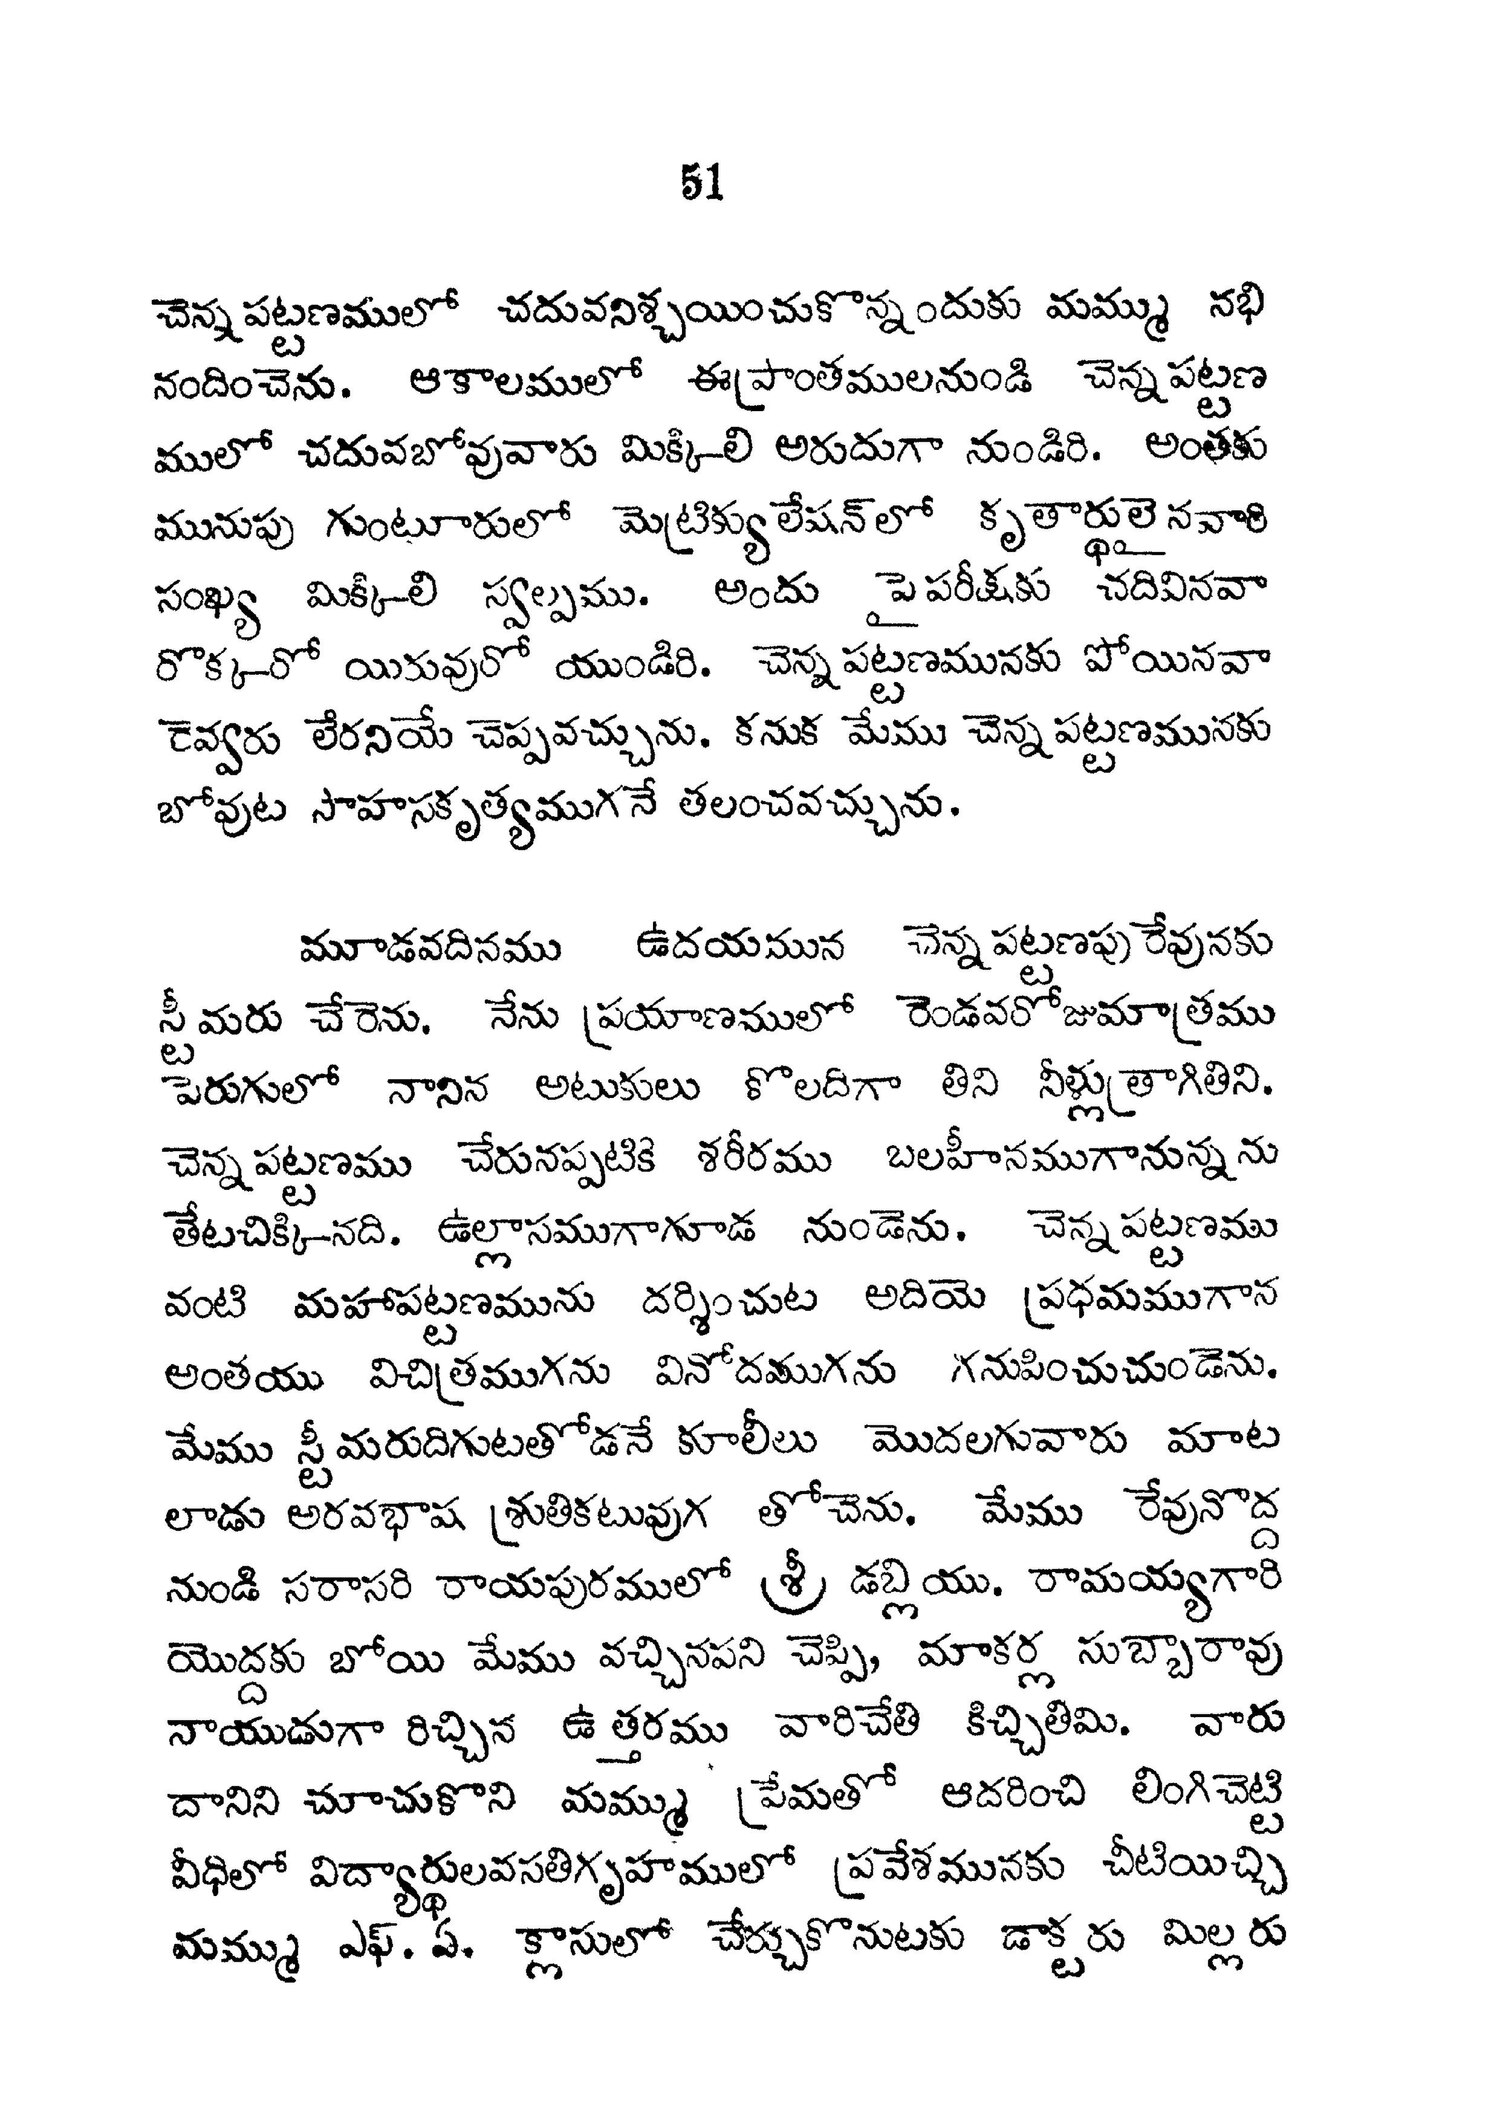చెన్నపట్టణములో చదువనిశ్చయించుకొన్నందుకు మమ్ము నభినందించెను. ఆకాలములో ఈప్రాంతములనుండి చెన్నపట్టణములో చదువబోవువారు మిక్కిలి అరుదుగా నుండిరి. అంతకు మునుపు గుంటూరులో మెట్రిక్యులేషన్‌లో కృతార్థులైనవారి సంఖ్య మిక్కిలి స్వల్పము. అందు పైపరీక్షకు చదివినవారొక్కరో యిరువురో యుండిరి. చెన్నపట్టణమునకు పోయినవారెవ్వరు లేరనియే చెప్పవచ్చును. కనుక మేము చెన్నపట్టణమునకు బోవుట సాహసకృత్యముగనే తలంచవచ్చును.

మూడవదినము ఉదయమున చెన్నపట్టణపు రేవునకు స్టీమరు చేరెను. నేను ప్రయాణములో రెండవరోజుమాత్రము పెరుగులో నానిన అటుకులు కొలదిగా తిని నీళ్లుత్రాగితిని. చెన్నపట్టణము చేరునప్పటికి శరీరము బలహీనముగానున్నను తేటచిక్కినది. ఉల్లాసముగాగూడ నుండెను. చెన్నపట్టణము వంటి మహాపట్టణమును దర్శించుట అదియె ప్రధమముగాన అంతయు విచిత్రముగను వినోదముగను గనుపించుచుండెను. మేము స్టీమరుదిగుటతోడనే కూలీలు మొదలగువారు మాటలాడు అరవభాష శ్రుతికటువుగ తోచెను. మేము రేవునొద్ద నుండి సరాసరి రాయపురములో శ్రీ డబ్లియు. రామయ్యగారి యొద్దకు బోయి మేము వచ్చినపని చెప్పి, మాకర్ల సుబ్బారావునాయుడుగా రిచ్చిన ఉత్తరము వారిచేతి కిచ్చితిమి. వారు దానిని చూచుకొని మమ్ము ప్రేమతో ఆదరించి లింగిచెట్టి వీధిలో విద్యార్థులవసతిగృహములో ప్రవేశమునకు చీటియిచ్చి మమ్ము ఎఫ్. ఏ. క్లాసులో చేర్చుకొనుటకు డాక్టరు మిల్లరు